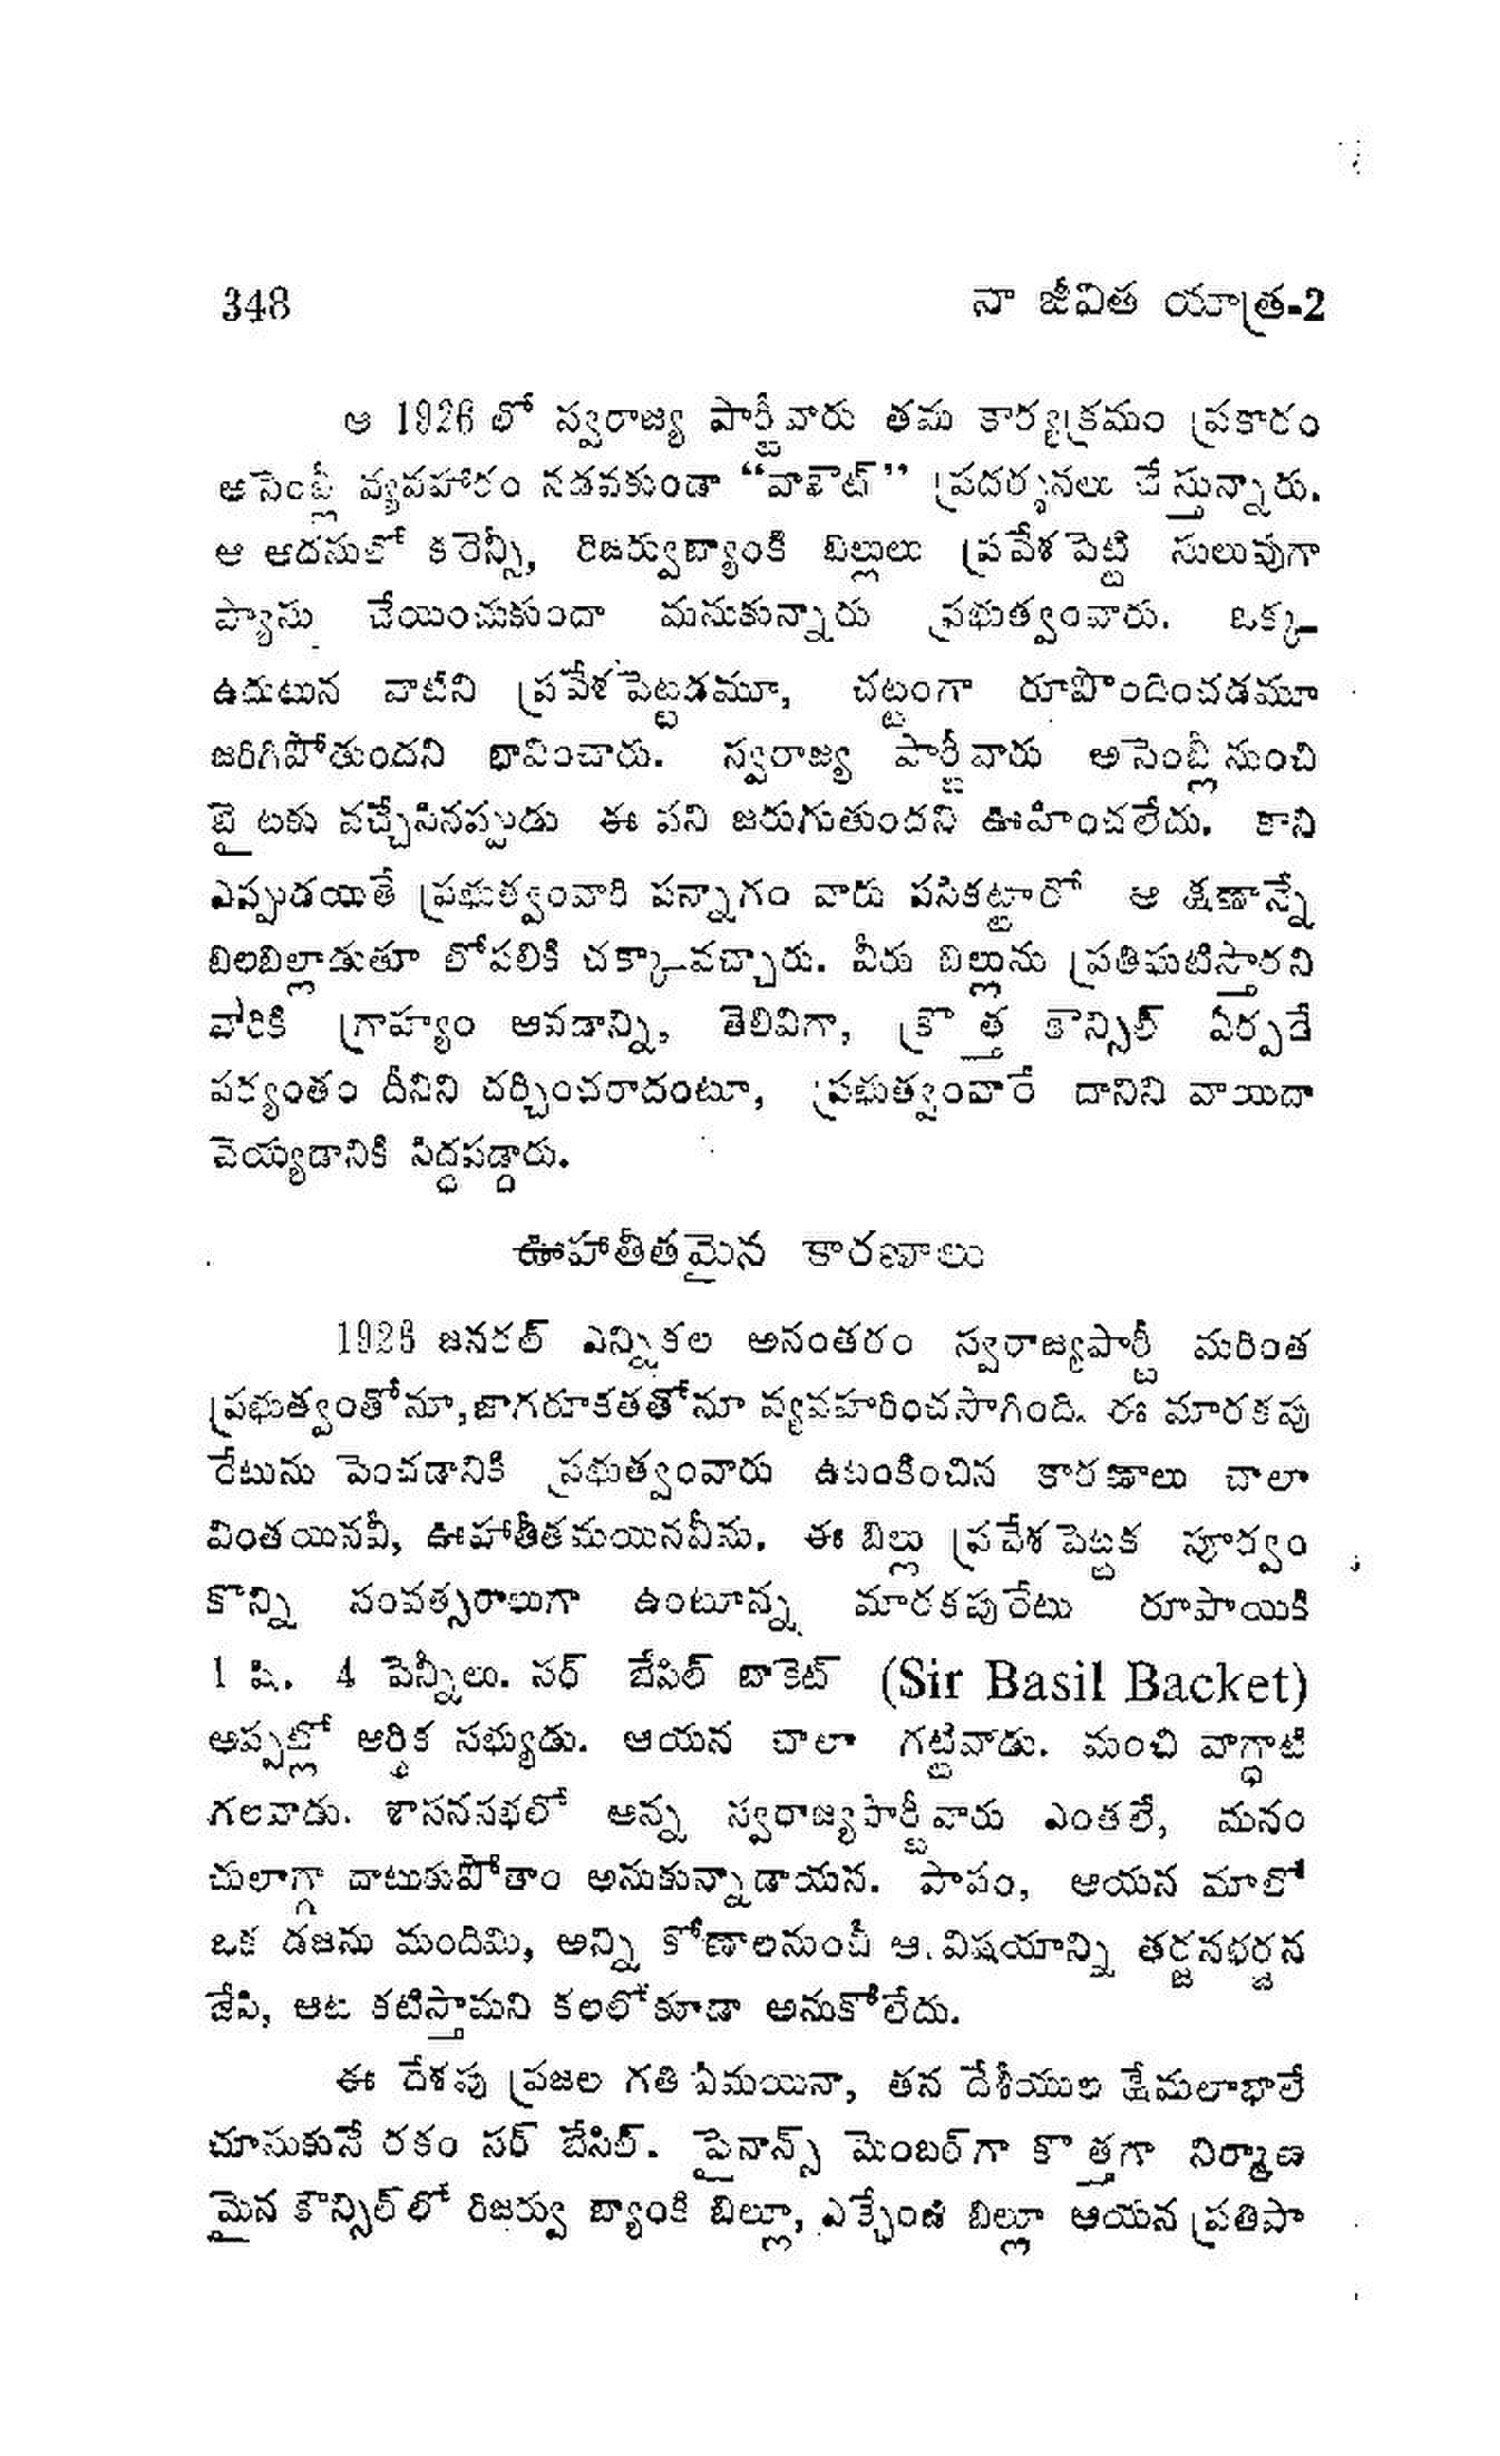అ 1926లో స్వరాజ్య పార్టీవారు తమ కార్యక్రమం ప్రకారం అసెంబ్లీ వ్యవహారం నడవకుండా "వాకౌట్" ప్రదర్శనలు చేస్తున్నారు. ఆ అదనులో కరెన్సీ, రిజర్వుబ్యాంకి బిల్లును ప్రవేశపెట్టి సులువుగా ప్యాసు చేయించుకుందా మనుకున్నారు ప్రభుత్వంవారు. ఒక్క ఉదుటున వాటిని ప్రవేశపెట్టడమూ, చట్టంగా రూపొందించడమూ జరిగిపోతుందని భావించారు. స్వరాజ్య పార్టీవారు అసెంబ్లీనుంచి బైటకు వచ్చేసినప్పుడు ఈ పని జరుగుతుందని ఊహించలేదు. కాని ఎప్పుడయితే ప్రభుత్వంవారి పన్నాగం వారు పసికట్టారో అ క్షణాన్నే బిలబిల్లాడుతూ లోపలికి చక్కావచ్చారు. వీరు బిల్లును ప్రతిఘటిస్తారని వారికి గ్రాహ్యం అవడాన్ని, తెలివిగా, క్రొత్త కౌన్సిల్ ఏర్పడే పర్యంతం దీనిని చర్చించరాదంటూ, ప్రభుత్వంవారే దానిని వాయిదా వెయ్యడానికి సిద్ధపడ్డారు.

1926 జనరల్ ఎన్నికల అనంతరం స్వరాజ్యపార్టీ మరింత ప్రభుత్వంతోనూ, జాగరూకతతోనూ వ్యవహరించసాగింది. ఈ మారకపు రేటును పెంచడానికి ప్రభుత్వంవారు ఉటంకించిన కారణాలు చాలా వింతయినవీ, ఊహాతీతమయినవీను, ఈ బిల్లు ప్రవేశపెట్టక పూర్వం కొన్ని సంవత్సరాలుగా ఉంటూన్న మారకపురేటు రూపాయికి 1షి. 4 పెన్నీలు. సర్ బేసిల్ బాకెట్ (Sir Basil Backet) అప్పట్లో ఆర్థిక సభ్యుడు. ఆయన చాలా గట్టివాడు. మంచి వాగ్ధాటి గలవాడు. శాసనసభలో అన్న స్వరాజ్యపార్టీ వారు ఎంతలే, మనం చులాగ్గా దాటుకుపోతాం అనుకున్నాడాయన. పాపం. ఆయన మాలో ఒక డజను మందిమి, అన్ని కోణాలనుంచీ ఆ విషయాన్ని తర్జనభర్జన జేసి, ఆట కటిస్తామని కలలో కూడా అనుకోలేదు.

ఈ దేశపు ప్రజల గతి ఏమయినా, తన దేశీయుల క్షేమలాభలే చూసుకునే రకం సర్ బేసిల్. పైనాన్స్ మెంబర్‌గా కొత్తగా నిర్మాణమైన కౌన్సిల్‌లో రిజర్వు బ్యాంకి బిల్లూ, ఎక్ఛేంజి బిల్లూ ఆయన ప్రతిపా